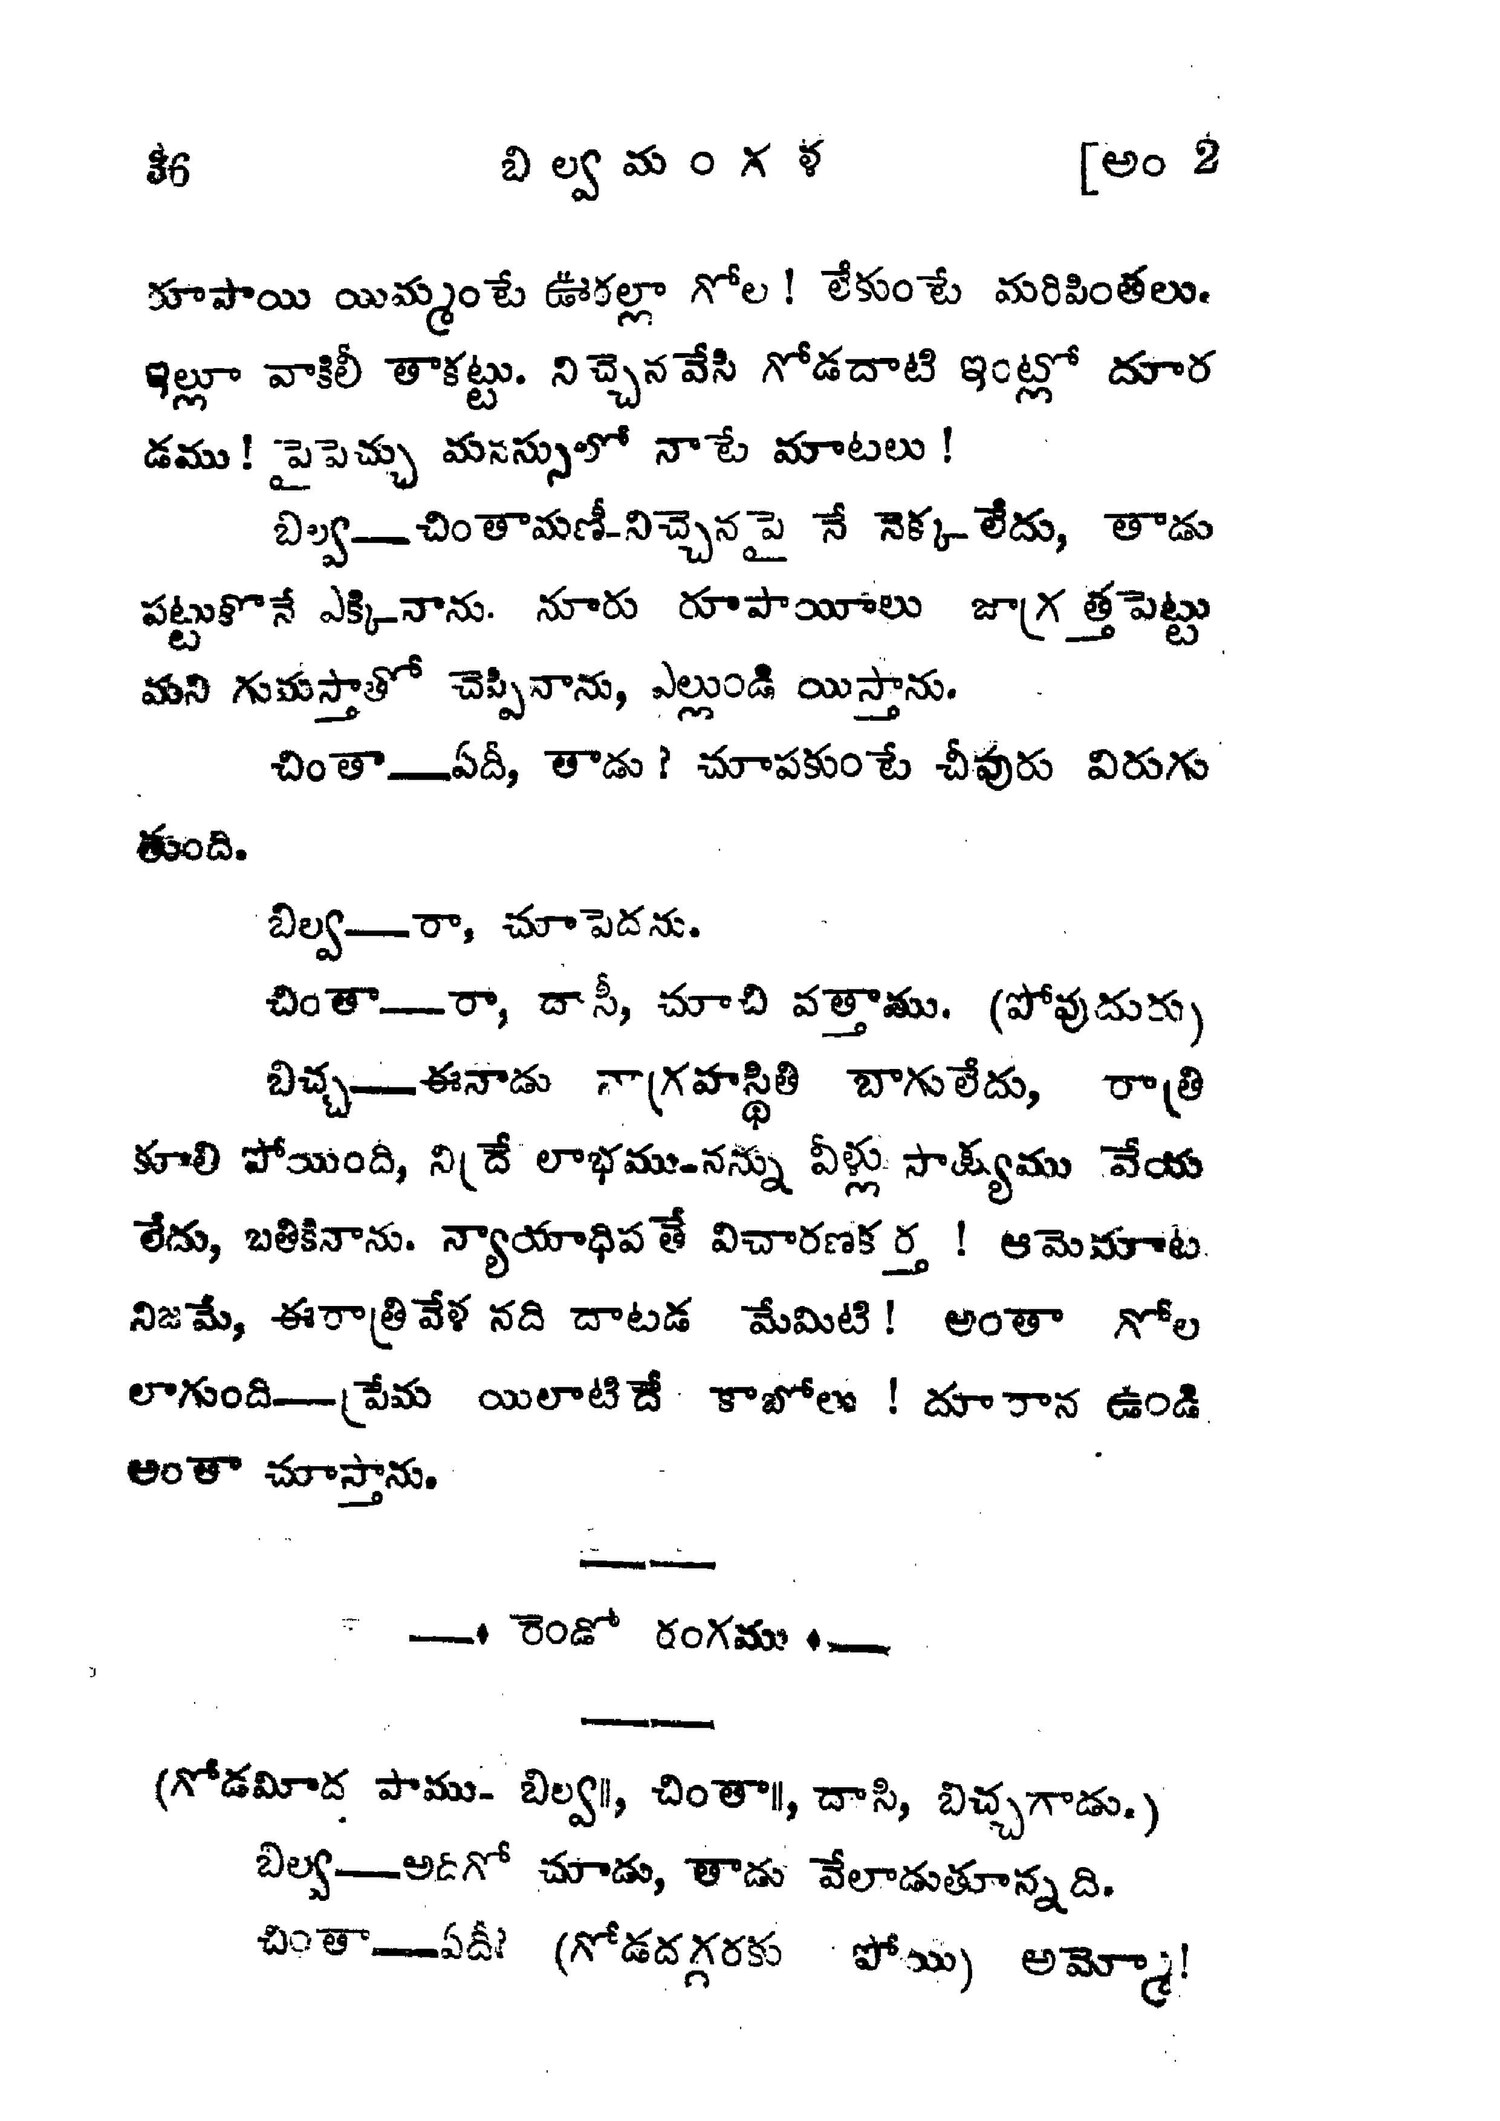రూపాయి యిమ్మంటే ఊరల్లా గోల! లేకుంటే మరిపింతలు. ఇల్లూ వాకిలీ తాకట్టు. నిచ్చెనవేసి గోడదాటి ఇంట్లో దూరడము! పైపెచ్చు మనస్సులో నాటే మాటలు!

బిల్వ - చింతామణీ-నిచ్చెనపై నే నెక్కలేదు, తాడు పట్టుకొనే ఎక్కినాను. నూరు రూపాయీలు జాగ్రత్తపెట్టు మని గుమస్తాతో చెప్పినాను, ఎల్లుండి యిస్తాను.

చింతా - ఏదీ, తాడు? చూపకుంటే చీపురు విరుగు తుంది.

బిల్వ - రా, చూపెదను.

చింతా - రా, దాసీ, చూచి వత్తాము. (పోవుదురు)

బిచ్చ - ఈనాడు నాగ్రస్థితి బాగులేదు, రాత్రి కూలి పోయింది, నిద్రే లాభము-నన్ను వీళ్లు సాక్ష్యము వేయలేదు, బతికినాను, న్యాయాధిపతే విచారణకర్త! ఆమెమాట నిజమే, ఈరాత్రివేళ నది దాటడ మేమిటి! అంతా గోల లాగుంది - ప్రేమ యిలాటిదే కాబోలు ! దూరాన ఉండి అంతా చూస్తాను.

బిల్వ - అదిగో చూడు, తాడు వేలాడుతూన్నది.

చింతా - ఏదీ? (గోడదగ్గరకు పోయి) అమ్మో!